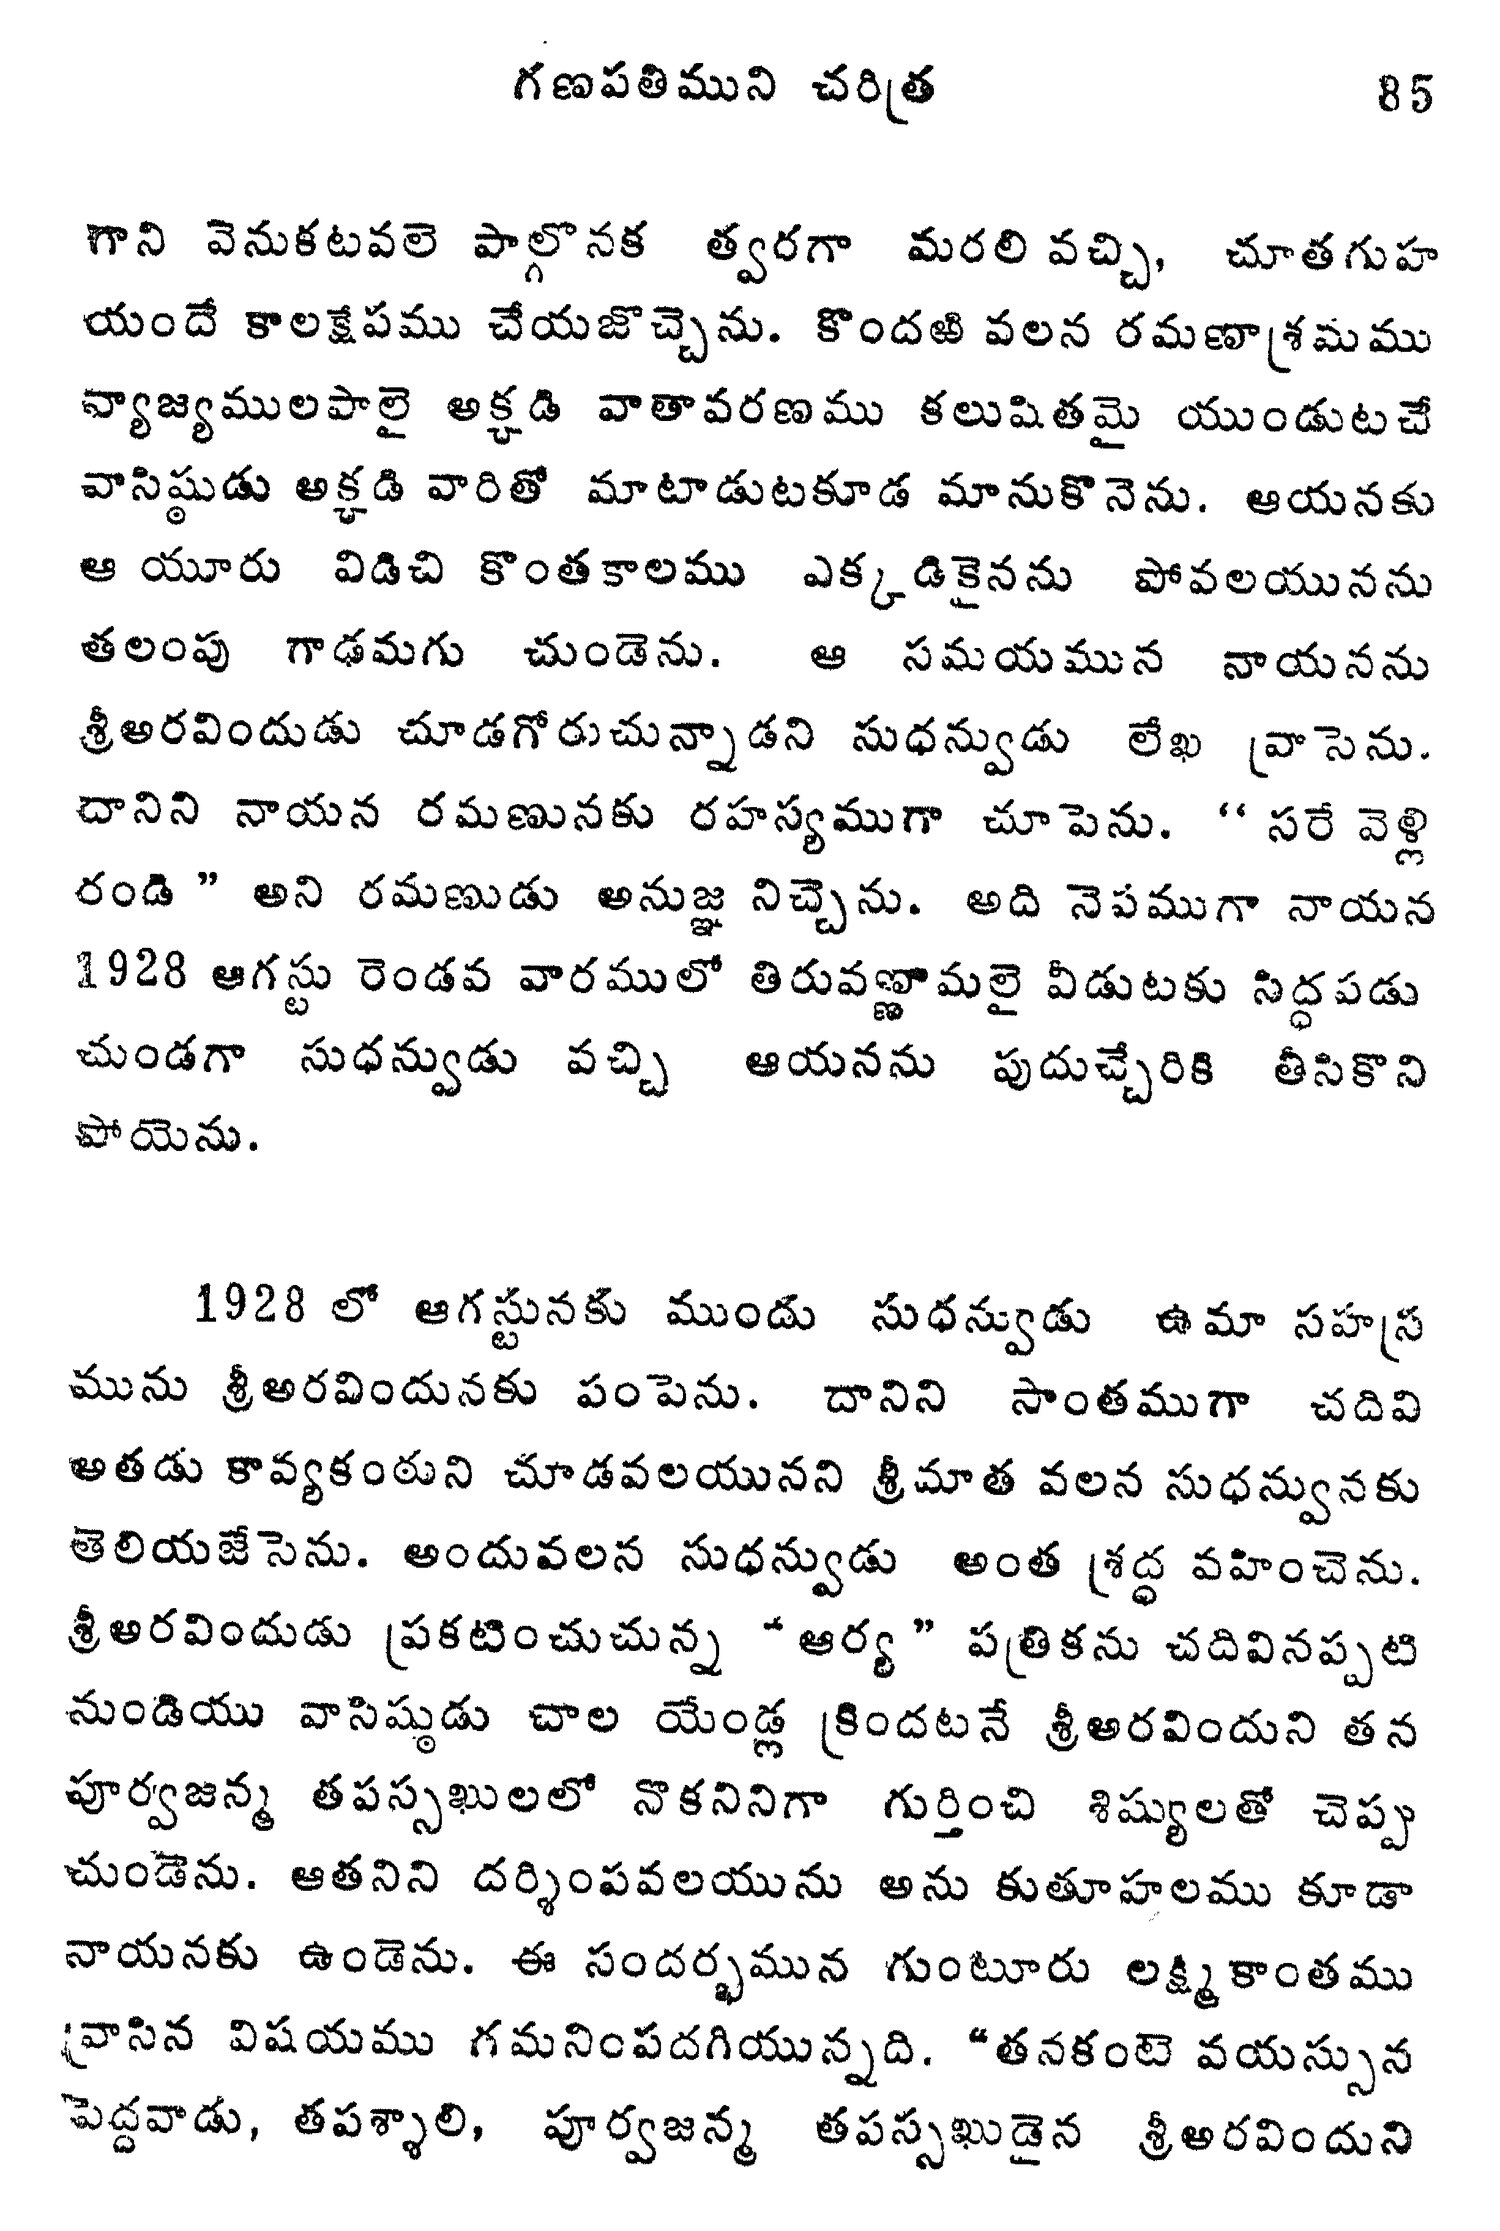గాని వెనుకటవలె పాల్గొనక త్వరగా మరలి వచ్చి, చూతగుహ యందే కాలక్షేపము చేయజొచ్చెను. కొందఱి వలన రమణాశ్రమము వ్యాజ్యములపాలై అక్కడి వాతావరణము కలుషితమై యుండుటచే వాసిష్ఠుడు అక్కడి వారితో మాటాడుటకూడ మానుకొనెను. ఆయనకు ఆ యూరు విడిచి కొంతకాలము ఎక్కడికైనను పోవలయునను తలంపు గాడమగు చుండెను. ఆ సమయమున నాయనను శ్రీఅరవిందుడు చూడగోరుచున్నాడని సుధన్వుడు లేఖ వ్రాసెను. దానిని నాయన రమణునకు రహస్యముగా చూపెను. "సరే వెళ్లి రండి" అని రమణుడు అనుజ్ఞ నిచ్చెను. అది నెపముగా నాయన 1928 ఆగష్టు రెండవ వారములో తిరువణ్ణామలై వీడుటకు సిద్ధపడు చుండగా సుధన్వుడు వచ్చి ఆయనను పుదుచ్చేరికి తీసికొని పోయెను.

1928 లో ఆగష్టునకు ముందు సుధన్వుడు ఉమా సహస్రమును శ్రీఅరవిందునకు పంపెను. దానిని సాంతముగా చదివి అతడు కావ్యకంఠుని చూడవలయునని శ్రీమాత వలన సుధన్వునకు తెలియజేసెను. అందువలన సుధన్వుడు అంత శ్రద్ద వహించెను. శ్రీఅరవిందుడు ప్రకటించుచున్న "ఆర్య" పత్రికను చదివినప్పటి నుండియు వాసిష్ఠుడు చాల యేండ్ల క్రిందటనే శ్రీఅరవిందుని తన పూర్వజన్మ తపస్సఖులలో నొకనినిగా గుర్తించి శిష్యులతో చెప్పు చుండెను. ఆతనిని దర్శింపవలయును అను కుతూహలము కూడా నాయనకు ఉండెను. ఈ సందర్భమున గుంటూరు లక్ష్మీకాంతము వ్రాసిన విషయము గమనింపదగియున్నది. "తనకంటె వయస్సున పెద్దవాడు, తపశ్శాలి, పూర్వజన్మ తపస్సఖుడైన శ్రీఅరవిందుని